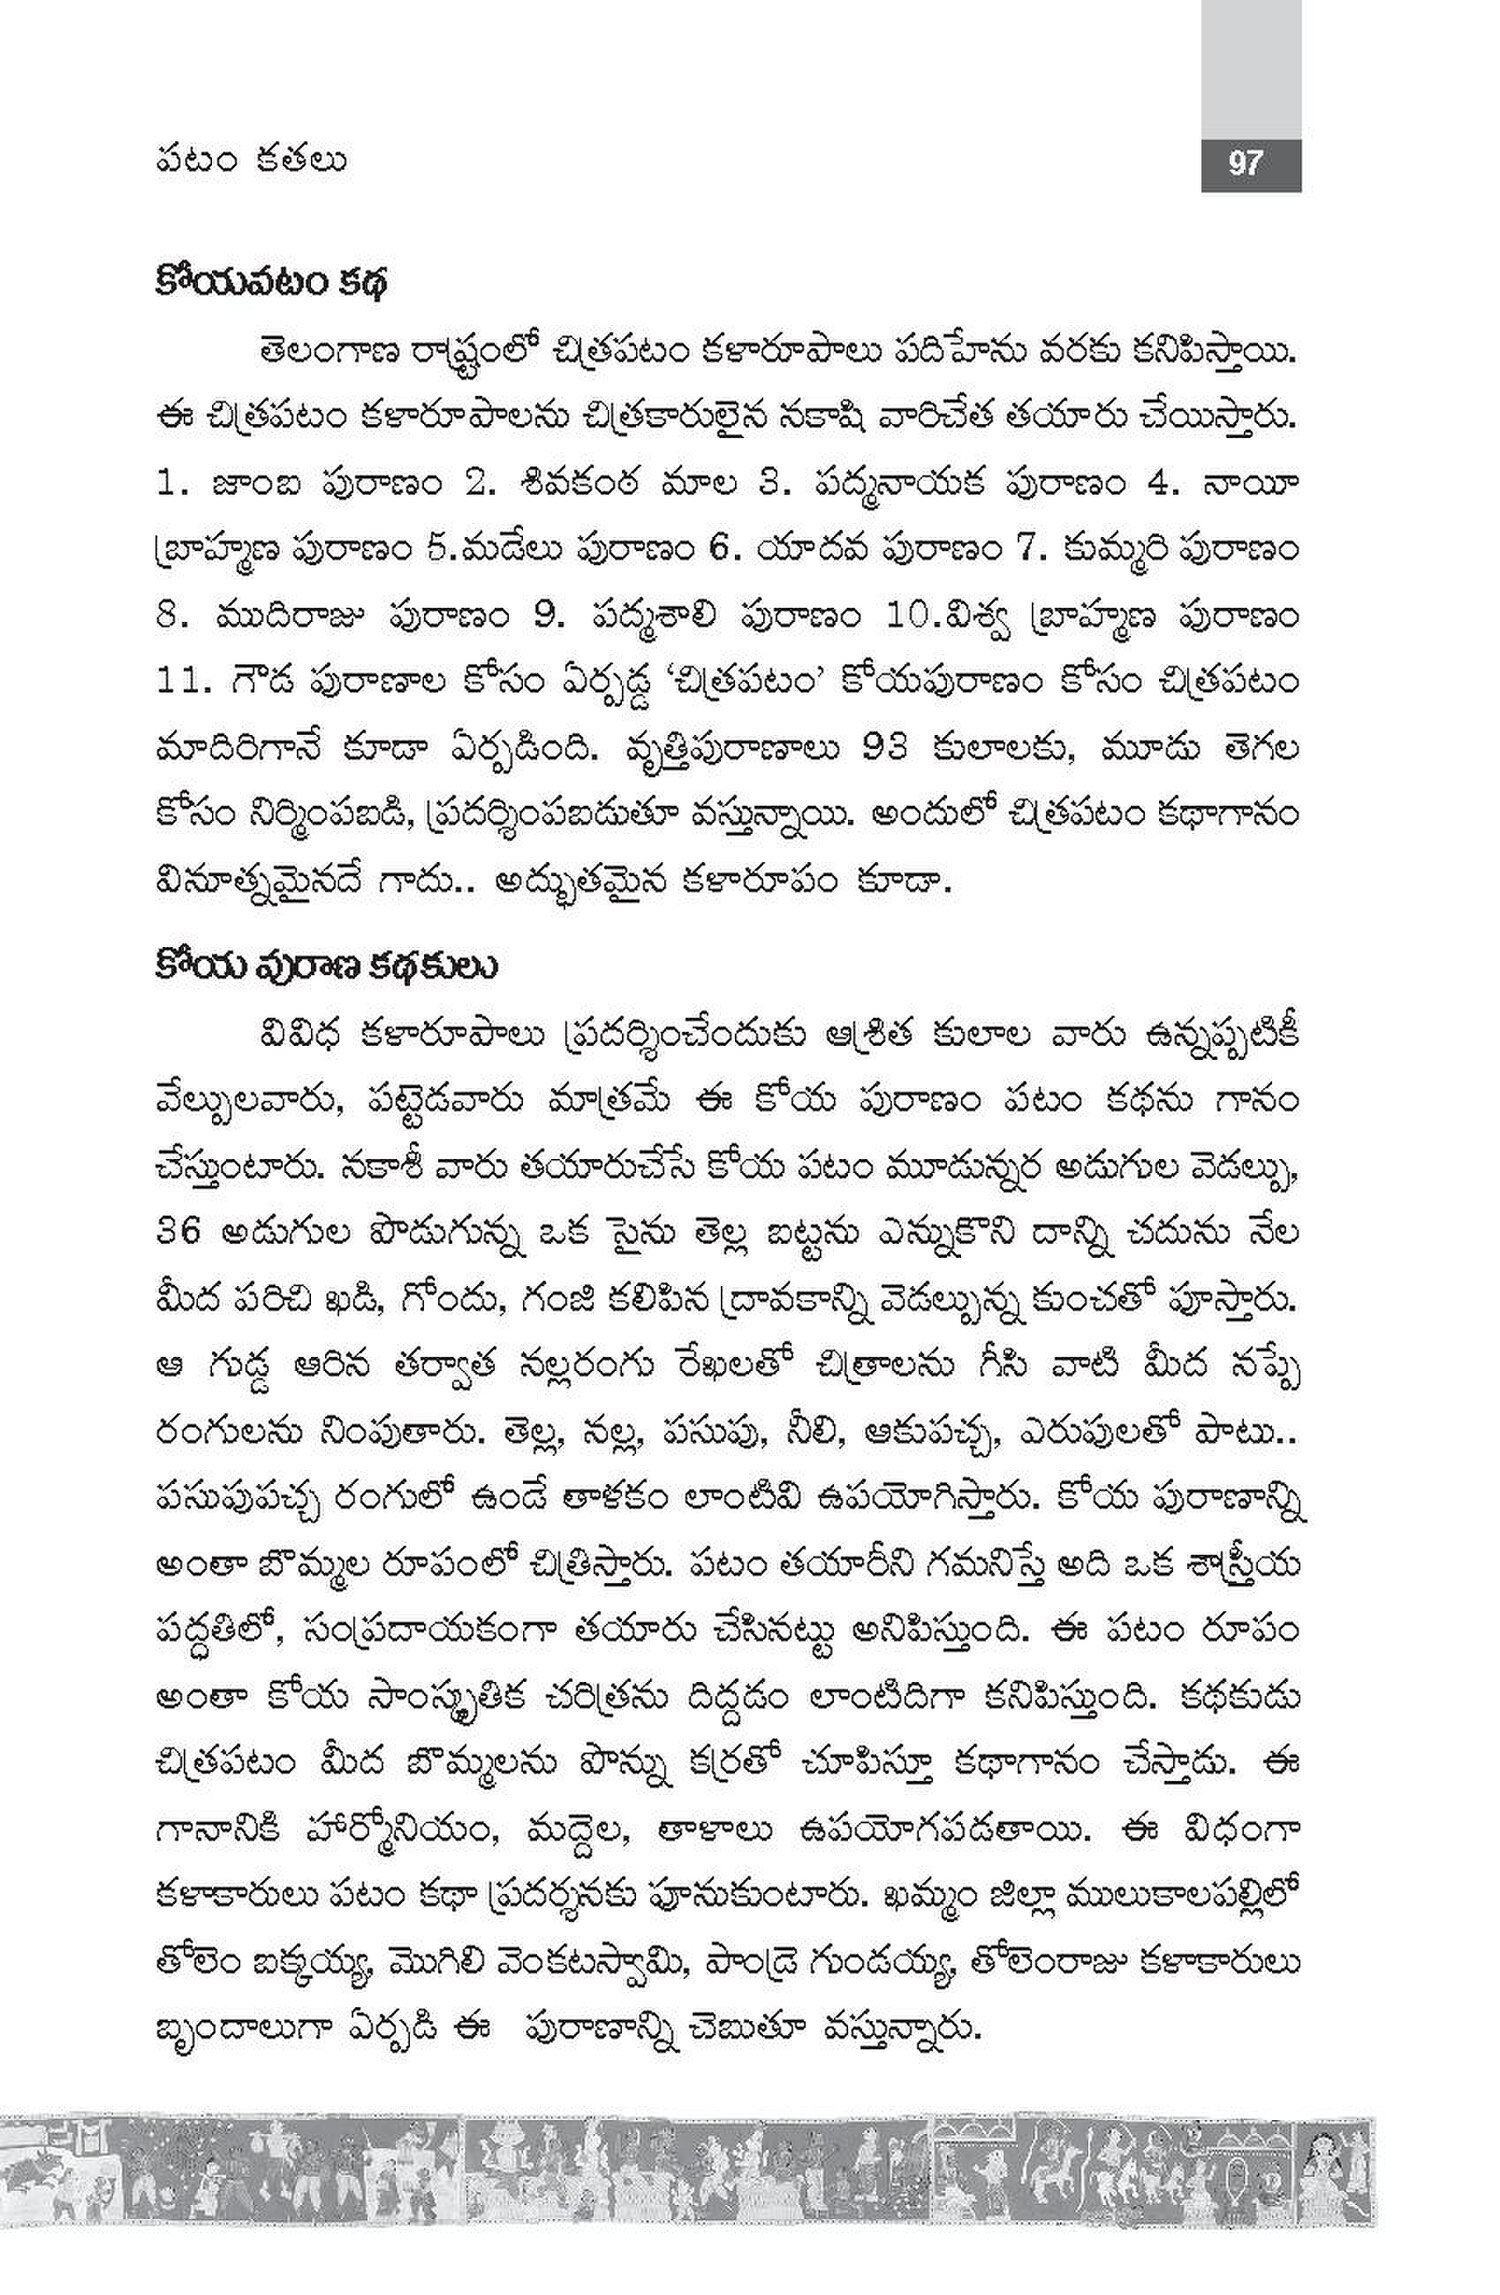కోయపటం కధ 

తెలంగాణ రాష్ట్రంలో చిత్రపటం కళారూపాలు పదిహేను వరకు కనిపిస్తాయి. ఈ చిత్రపటం కళారూపాలను చిత్రకారులైన నకాషి వారిచేత తయారు చేయిస్తారు. 1. జాంబ పురాణం 2. శివకంఠ మాల 3. పద్మనాయక పురాణం 4. నాయీ
బ్రాహ్మణ పురాణం 5. మడేలు పురాణం 6. యాదవ పురాణం 7. కుమ్మరి పురాణం 8. ముదిరాజు పురాణం 9. పద్మశాలి పురాణం 10. విశ్వ బ్రాహ్మణ పురాణం 11. గౌడ పురాణాల కోసం ఏర్పడ్డ 'చిత్రపటం' కోయపురాణం కోసం చిత్రపటం
మాదిరిగానే కూడా ఏర్పడింది. వృత్తిపురాణాలు 93 కులాలకు, మూడు తెగల కోసం నిర్మింపబడి, ప్రదర్శింపబడుతూ వస్తున్నాయి. అందులో చిత్రపటం కథాగానం వినూత్నమైనదే గాదు.. అద్భుతమైన కళారూపం కూడా.

కోయ పురాణ కథకులు

వివిధ కళారూపాలు ప్రదర్శించేందుకు ఆశ్రిత కులాల వారు ఉన్నప్పటికీ వేల్పులవారు, పట్టెడవారు మాత్రమే ఈ కోయ పురాణం పటం కథను గానం చేస్తుంటారు. నకాశీ వారు తయారుచేసే కోయ పటం మూడున్నర అడుగుల వెడల్పు,
36 అడుగుల పొడుగున్న ఒక సైను తెల్ల బట్టను ఎన్నుకొని దాన్ని చదును నేల మీద పరిచి ఖడి, గోందు, గంజి కలిపిన ద్రావకాన్ని వెడల్పున్న కుంచతో పూస్తారు. ఆ గుడ్డ ఆరిన తర్వాత నల్లరంగు రేఖలతో చిత్రాలను గీసి వాటి మీద నప్పే
రంగులను నింపుతారు. తెల్ల, నల్ల, పసుపు, నీలి, ఆకుపచ్చ, ఎరుపులతో పాటు..పసుపుపచ్చ రంగులో ఉండే తాళకం లాంటివి ఉపయోగిస్తారు. కోయ పురాణాన్ని అంతా బొమ్మల రూపంలో చిత్రిస్తారు. పటం తయారీని గమనిస్తే అది ఒక శాస్త్రీయ పద్ధతిలో, సంప్రదాయకంగా తయారు చేసినట్టు అనిపిస్తుంది. ఈ పటం రూపం అంతా కోయ సాంస్కృతిక చరిత్రను దిద్దడం లాంటిదిగా కనిపిస్తుంది. కథకుడు చిత్రపటం మీద బొమ్మలను పొన్ను కర్రతో చూపిస్తూ కథాగానం చేస్తాడు. ఈ గానానికి హార్మోనియం, మద్దెల, తాళాలు ఉపయోగపడతాయి. ఈ విధంగా కళాకారులు పటం కథా ప్రదర్శనకు పూనుకుంటారు. ఖమ్మం జిల్లా ములుకాలపల్లిలో తోలెం బక్కయ్య, మొగిలి వెంకటస్వామి, పాండ్రె గుండయ్య, తోలెంరాజు కళాకారులు బృందాలుగా ఏర్పడి ఈ పురాణాన్ని చెబుతూ వస్తున్నారు.